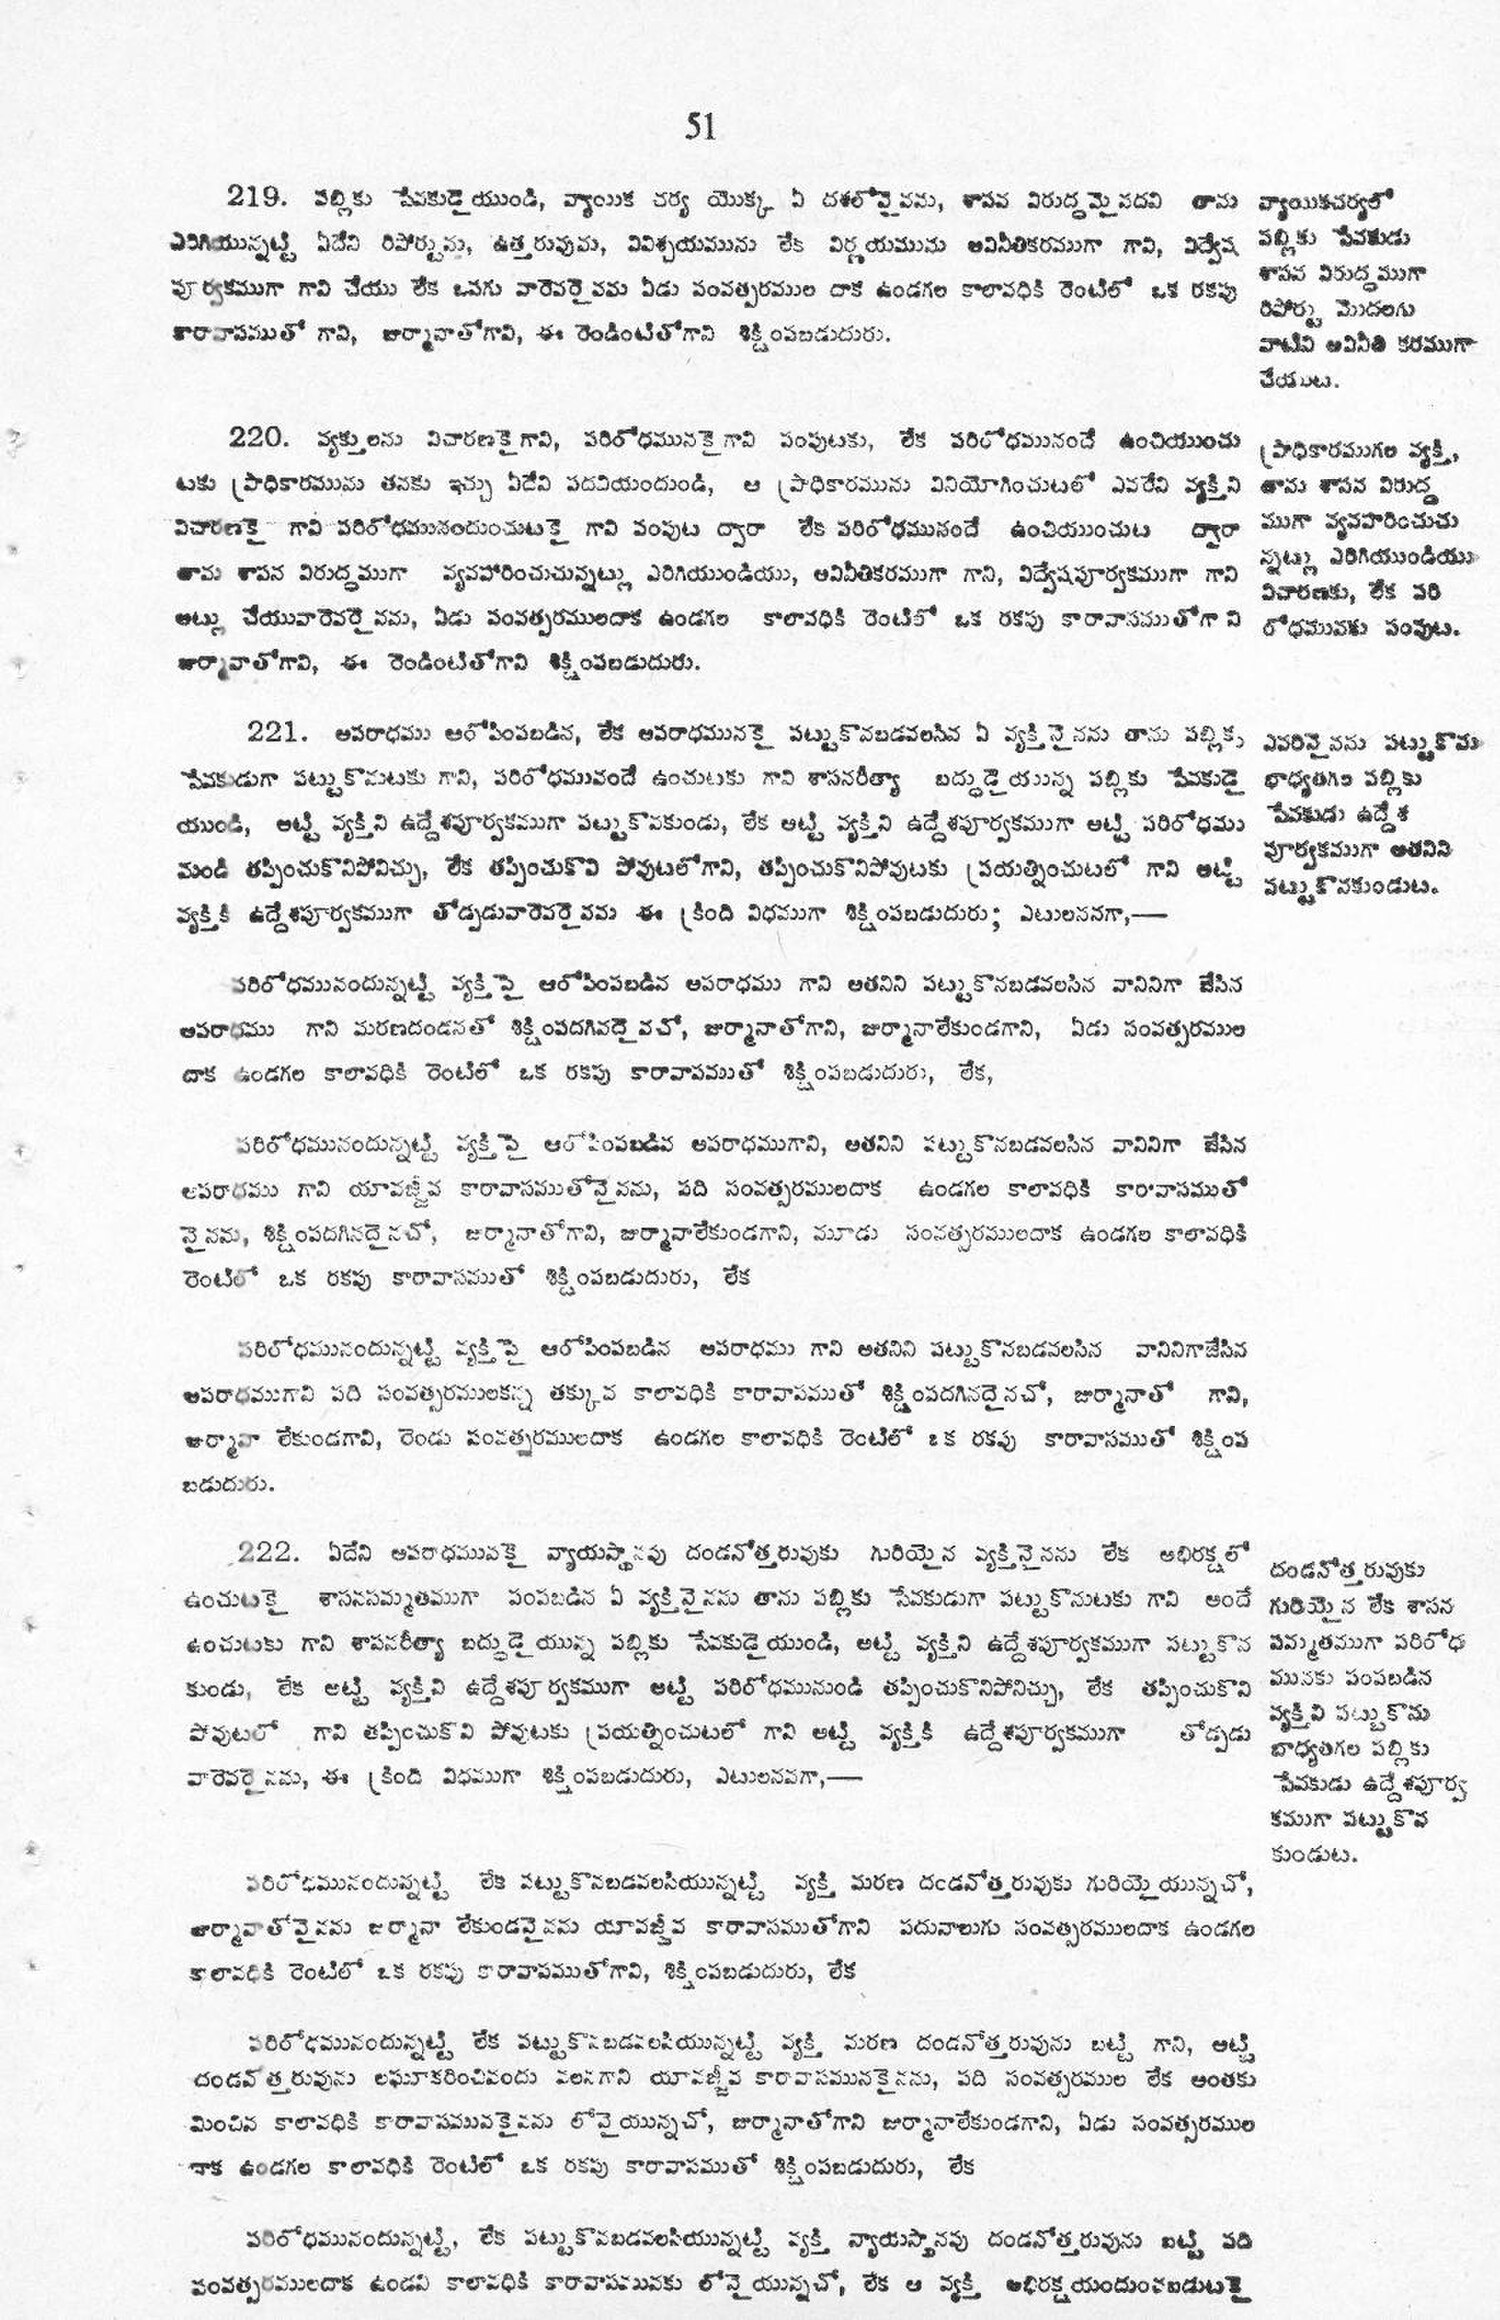వ్యాయికచర్యలో పబ్లికు సేవకుడు శాసన విరుద్ధముగా రిపోర్టు మొదలగు వాటిని అవినీతి కరముగా చేయుట

219. పబ్లికు సేవకుడై యుండి, వ్యాయిక చర్య యొక్క ఏ దశలో నైనను, శాసన విరుద్ధమైనదని తాను ఎరిగియున్నట్టి ఏదేని రిపోర్టును, ఉత్త రువుము, వివిశ్చయమును లేక నిర్ణయమును అవినీతికరముగా గాని, విద్వేష పూర్వకముగా గాని చేయు లేక ఒనగు వారెవరైనను ఏడు పంవత్సరముల దాక ఉండగల కాలావధికి రెంటిలో ఒక రకపు కారా వాసముతొ గాని, జుర్మానాతోగాని, ఈ రెండింటితోగాని శిక్షింపబడుదురు.

ప్రాధికారముగల వ్యక్తి తాను శాసన విరుద్దముగా వ్యవహరించుచు ఎరిగియుండియు విచారణకు, లేక పరిశొధమునకు పంపుట.

220. వ్యక్తులను విచారణ కై గాని, పరిశొధమునకై గాని పంపుటకు, లేక పరిశోధమునందే ఉంచియుంచు తాను శాసన విరుద్ధ ప్రాధికారముగల వ్యక్తి, టకు ప్రాధికారమును తనకు ఇచ్చు ఏదేని పదవియందుండి, ఆ ప్రాధికారమును వినియోగించుటలో ఎవరేని వ్యక్తిని విచారణకై గాని పరిశొధమునందుంచుటకై గాని పంపుట ద్వారా లేక పరిశొధమునందే ఉంచియుంచుట ద్వారా తాను శాసన విరుద్ధముగా వ్యవహారించుచున్నట్లు ఎరిగియుండియు, అవినీతికరముగా గాని, విద్వేషపూర్వకముగా గాని అట్లు చేయువారెవరైవము, ఏడు సంవత్సరములదాక ఉండగల
కాలావధికి రెంటిలో ఒక రకపు కారావాసముతోగాని జూర్మానాతోగాని, ఈ రెండింటితోగాని శిక్షింపబడుదురు.

ఎవరినై నను పట్టుకొను భాధ్యతగల పబ్లికు సేవకుడు ఉద్దేశ పూర్వకముగా అతనిని పట్టుకొనకుండుట,

221. అపరాధము ఆరోపింపబడిన, లేక అపరాధమునకై పట్టు కొవబడవలసిన ఏ వ్యక్తి నైనను తాను పబ్లికు సేవకుడుగా పట్టు కొనుటకు గాని, పరిశొధము నందే ఉంచుటకు గాని శాసనరీత్యా బద్దుడై యున్న పబ్లికు సేవకుడై యుండి, అట్టి వ్యక్తిని ఉద్దేశపూర్వకముగా పట్టు కోనకుండు, లేక అట్టి వ్యక్తిని ఉద్దేశపూర్వకముగా అట్టి పరిశొధము నుండి తప్పించుకొనిపోవచ్చు, లేక తప్పించుకొని పోవుటలో గాని, తప్పించుకొనిపోవుటకు ప్రయత్నించుటలో గాని అట్టి వ్యక్తికి ఉద్దేశపూర్వకముగా తోడ్పడువారెవరై నను ఈ క్రింది విధముగా శిక్షింపబడుదురు; ఎటులననగా, —

పరిశొధమునందున్నట్టి వ్యక్తి పై ఆరోపింపబడిన అపరాధము గాని అతనిని పట్టు కొనబడవలసిన వానినిగా జేసిన అపరాధము గాని మరణదండనతో శిక్షింపదగినదై నచో, జుర్మానాతోగాని, జుర్మానాలేకుండగాని, ఏడు సంవత్సరముల దాక ఉండగల కాలావధికి రెంటిలో ఒక రకపు కారావాపముతో శిక్షింపబడుదురు, లేక,

పరిశొధమునందున్నట్టి వ్యక్తి పై ఆరోపింపబడిన అపరాధముగాని, అతనిని పట్టుకొనబడవలసిన వారినిగా జేసిన అపరాధము గావి యావజ్జీవ కారావాసముతోనై నను, పది సంవత్సరములదాక ఉండగల కాలావధికి కారావాసముతో నైనను, శిక్షింపదగినదైనచో, జుర్మానా తో గాని, జుర్మానాలేకుండగాని, మూడు సంవత్సరములదాక ఉండగల కాలావధికి రెంటిలో ఒక రకపు కారావాసములతొ శిక్షింపబడుదురు, లేక

పరిశొధమునందున్నట్టి వ్యక్తి పై ఆరోపింపబడిన అపరాధము గాని అతనిని పట్టుకొనబడవలసిన వానినిగా జేసిన అపరాధముగాని పది సంవత్సరములకన్న తక్కువ కాలావధికి కారావాసముతో శిక్షింపదగినదైనచో, జుర్మానాలో గాని, జూర్మానా లేకుండగాని, రెండు సంవత్సరములదాక ఉండగల కాలావధికి రెంటిలో ఒక రకపు కారావాసములో శిక్షింప బడుదురు.

దండనోత్త రువుకు గురియైన లేక శాసన సమ్మతముగా పరిశొధమునకు పంపబడిన వ్యక్తిని పట్టుకొను బాధ్యతగల పబ్లికు సేవకుడు ఉద్దేశపూర్వ
కముగా పట్టుకొనకుండుట.

222. ఏదేని అపరాధమునకై న్యాయస్ఠానపు దండనోత్త రువుకు గురియైన వ్యక్తి నైనను లేక అభిరక్షలో ఉంచుటకై శాసనసమ్మతముగా పంపబడిన ఏ వ్యక్తి నైనను తాను పబ్లికు సేవకుడుగా పట్టు కొనుటకు గాని అందే ఉంచుటకు గాని శాసనరీత్యా బద్దుడై యున్న పబ్లికు సేవకుడై యుండి, అట్టి వ్యక్తిని ఉద్దేశపూర్వకముగా పట్టుకొన కుండు, లేక అట్టి వ్యక్తిని ఉద్దేశపూర్వకముగా అట్టి పరిశొధమునుండి తప్పించుకొనిపోనిచ్చు, లేక తప్పించుకొని పోవుటలో గాని తప్పించుకొని పోవుటకు ప్రయత్నించుటలో గాని అట్టి వ్యక్తికి ఉద్దేశపూర్వకముగా తోడ్పడు వారెవరైనను, ఈ క్రింది విధముగా శిక్షింపబడుదురు, ఎటులననగా,----

పరిశొధమునందుంనట్టి లేక పట్టు కొనబడవలసియున్నట్టి వ్యక్తి మరణ దండనోత్త రువుకు గురియై యున్నచో, జూర్మానాతో నైనను జుర్మానా లేకుండనై నను యావజ్జీవ కారావాసముతోగాని పదునాలుగు సంవత్సరములదాక ఉండగల కాలావధికి రెంటిలో ఒక రకపు కారావాసముతో గాని, శిక్షింపబడుదురు, లేక

పరిశొధమునందున్నట్టి లేక పట్టుకొనబడవలసి యున్నట్టి వ్యక్తి మరణ దండనోత్త రువును బట్టి గాని, అట్టి దండనొత్త రువును లఘాకరించినందు వలన గాని యావజ్జీవ కారావాసమునకైనను, పది సంవత్సరముల లేక అంతకు మించిన కాలావధికి కారావాసమున కైనను లోనై యున్నచో, జుర్మానాతోగాని జుర్మానా లేకుండగాని, ఏడు సంవత్సరముల దాక ఉండగల కాలావధికి రెంటిలో ఒక రకపు కారావాసముతో శిక్షింపబడుదురు, లేక

పరిశొధమునందున్నట్టి, లేక పట్టు కొనబడవలసియున్నట్టి వ్యక్తి న్యాయస్థానపు దండనోత్త రువును బట్టి పది సంవత్సరములదాక ఉండని కాలావధికి కారావాసమునకు లోనై యున్నచో, లేక ఆ వ్యక్తి అభిరక్ష యందుంచబడుటకై ,